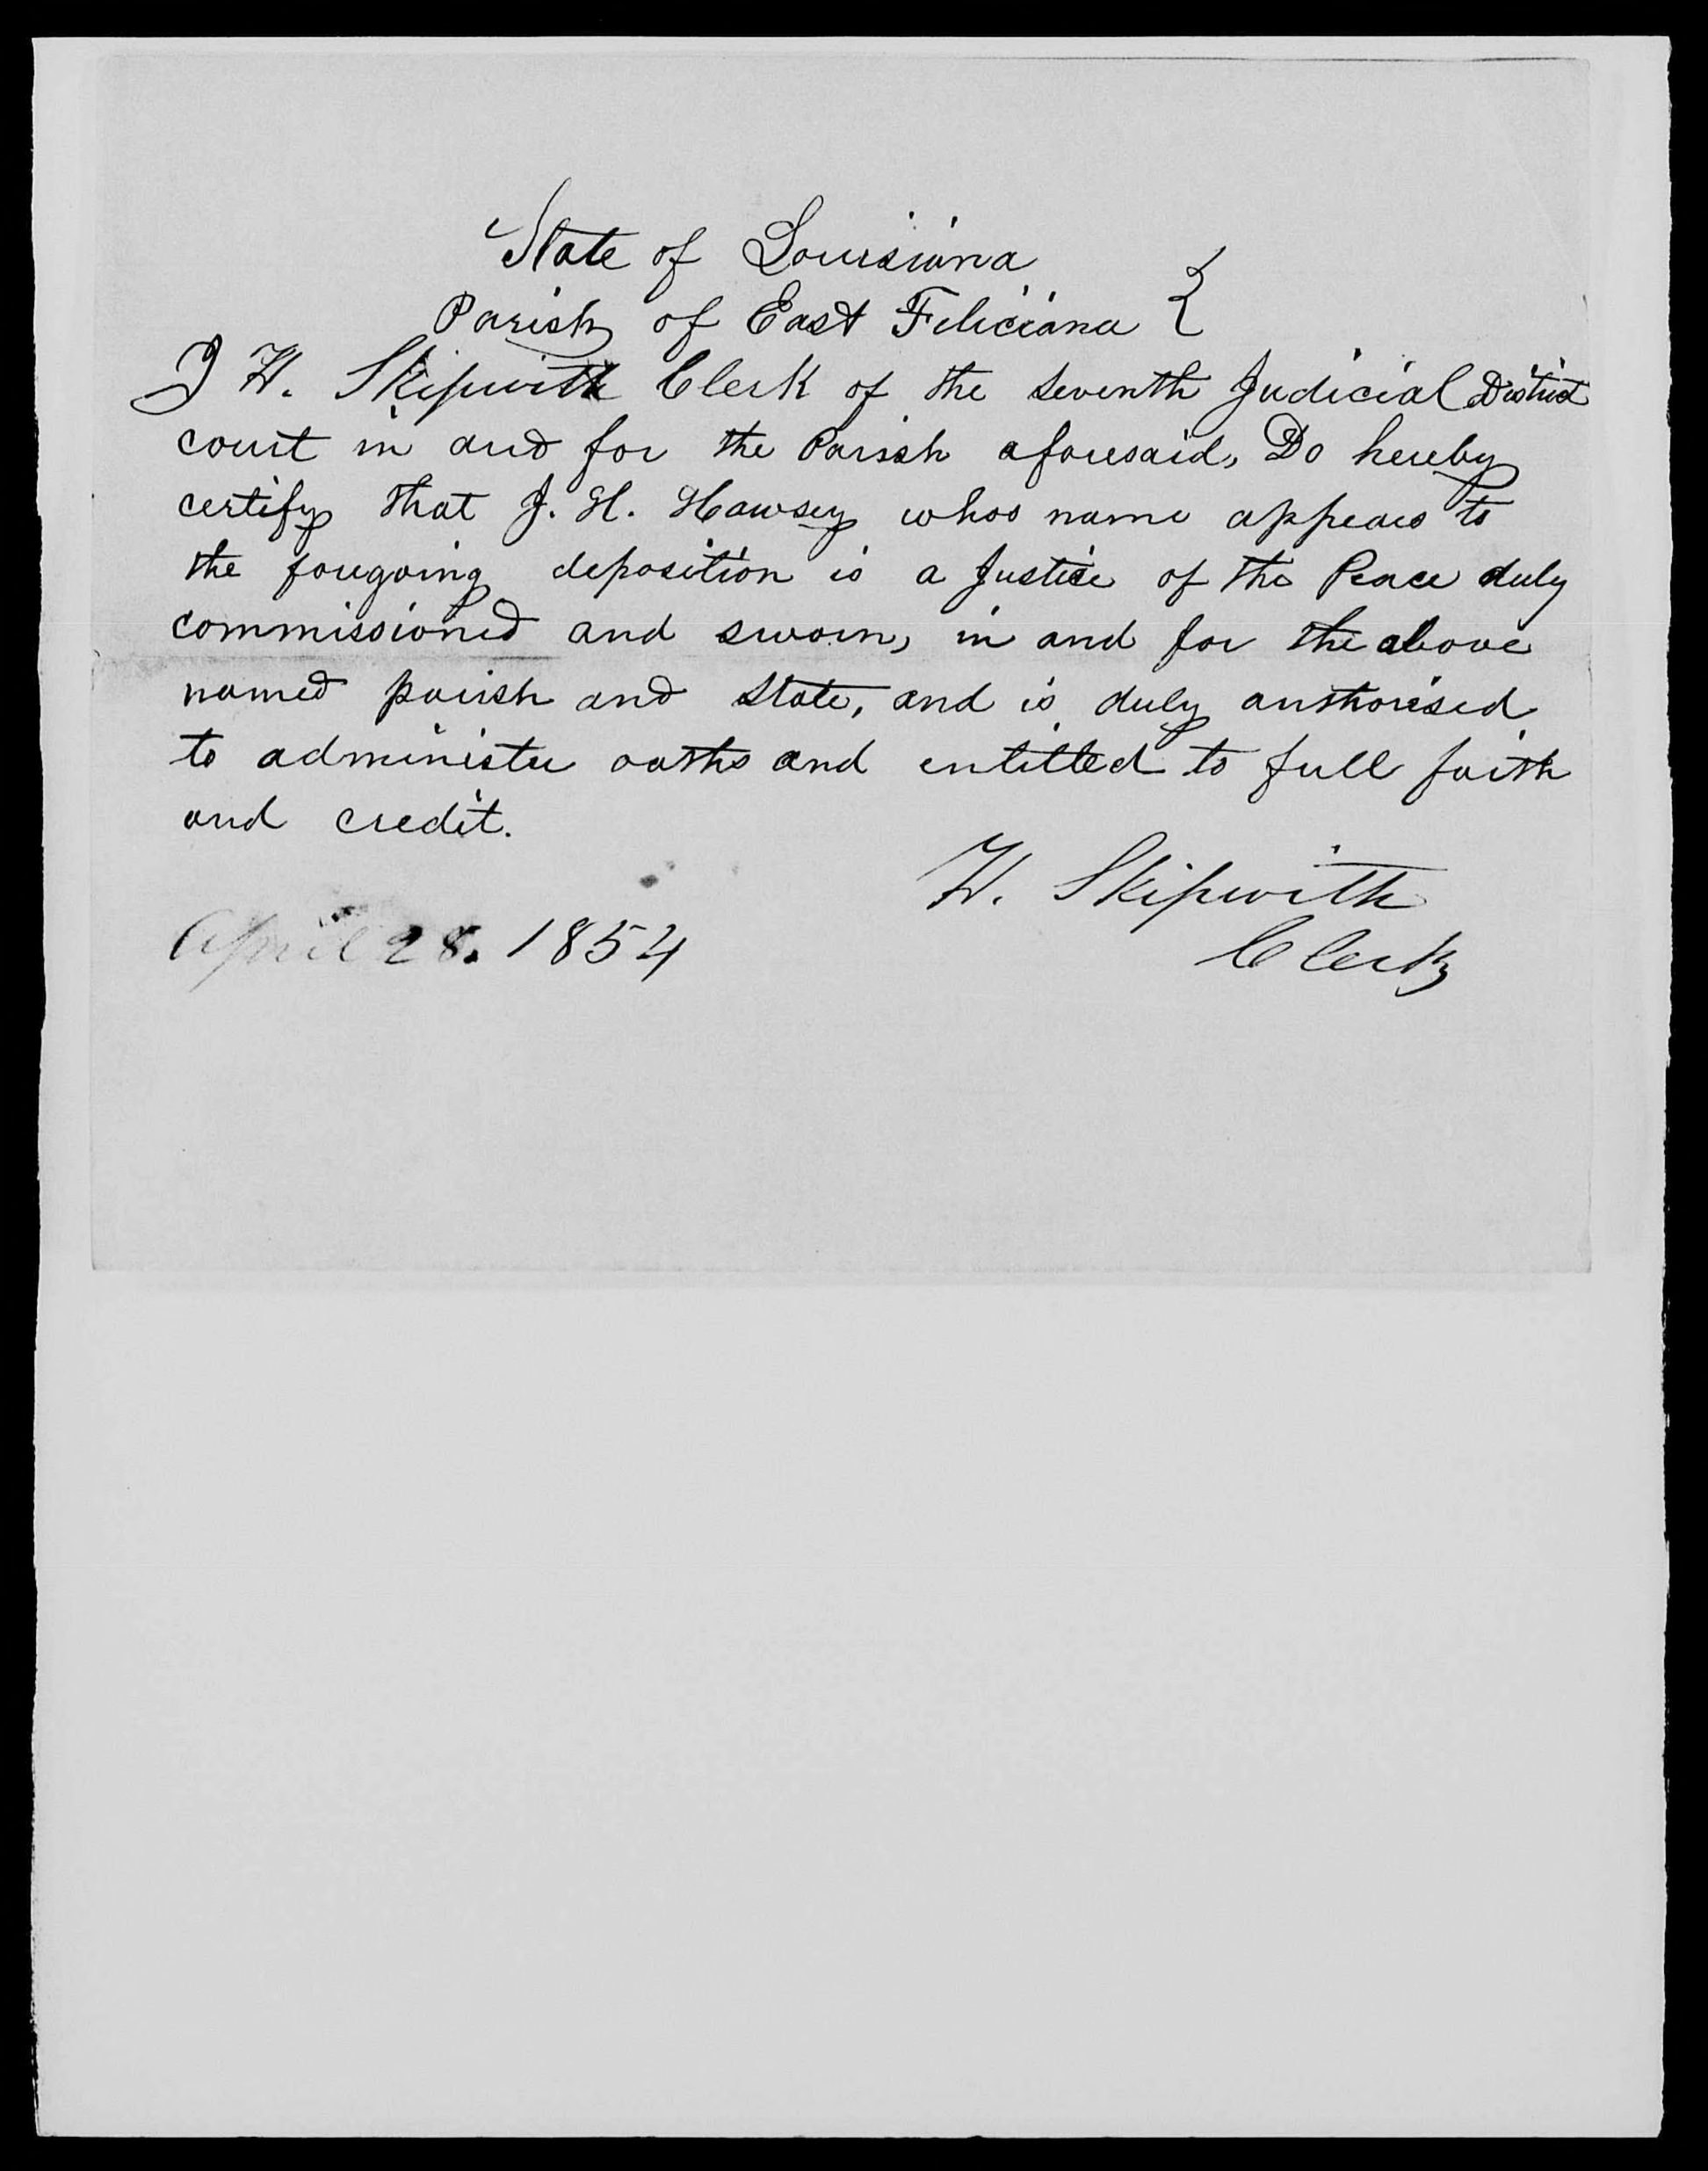State of Louisiana         }
Parish of East Feliciana}
J H. Skipwith Clerk of the Seventh Judicial District
Court in and for the Parish aforesaid, Do hereby
certify that J. H. Hawsey whos name appears to
the foregoing deposition is a Justice of the Peace duly
commissioned and sworn, in and for the above
named parish and State, and is duly authorised
to administer oaths and entitled to full faith
and credit

H. Skipwith
Clerk
April 28, 1854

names: J H Hawsey, H Skipwith, H Skipwith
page: 43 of 48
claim: rejected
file: R. 2173, James P Collins, S. C.